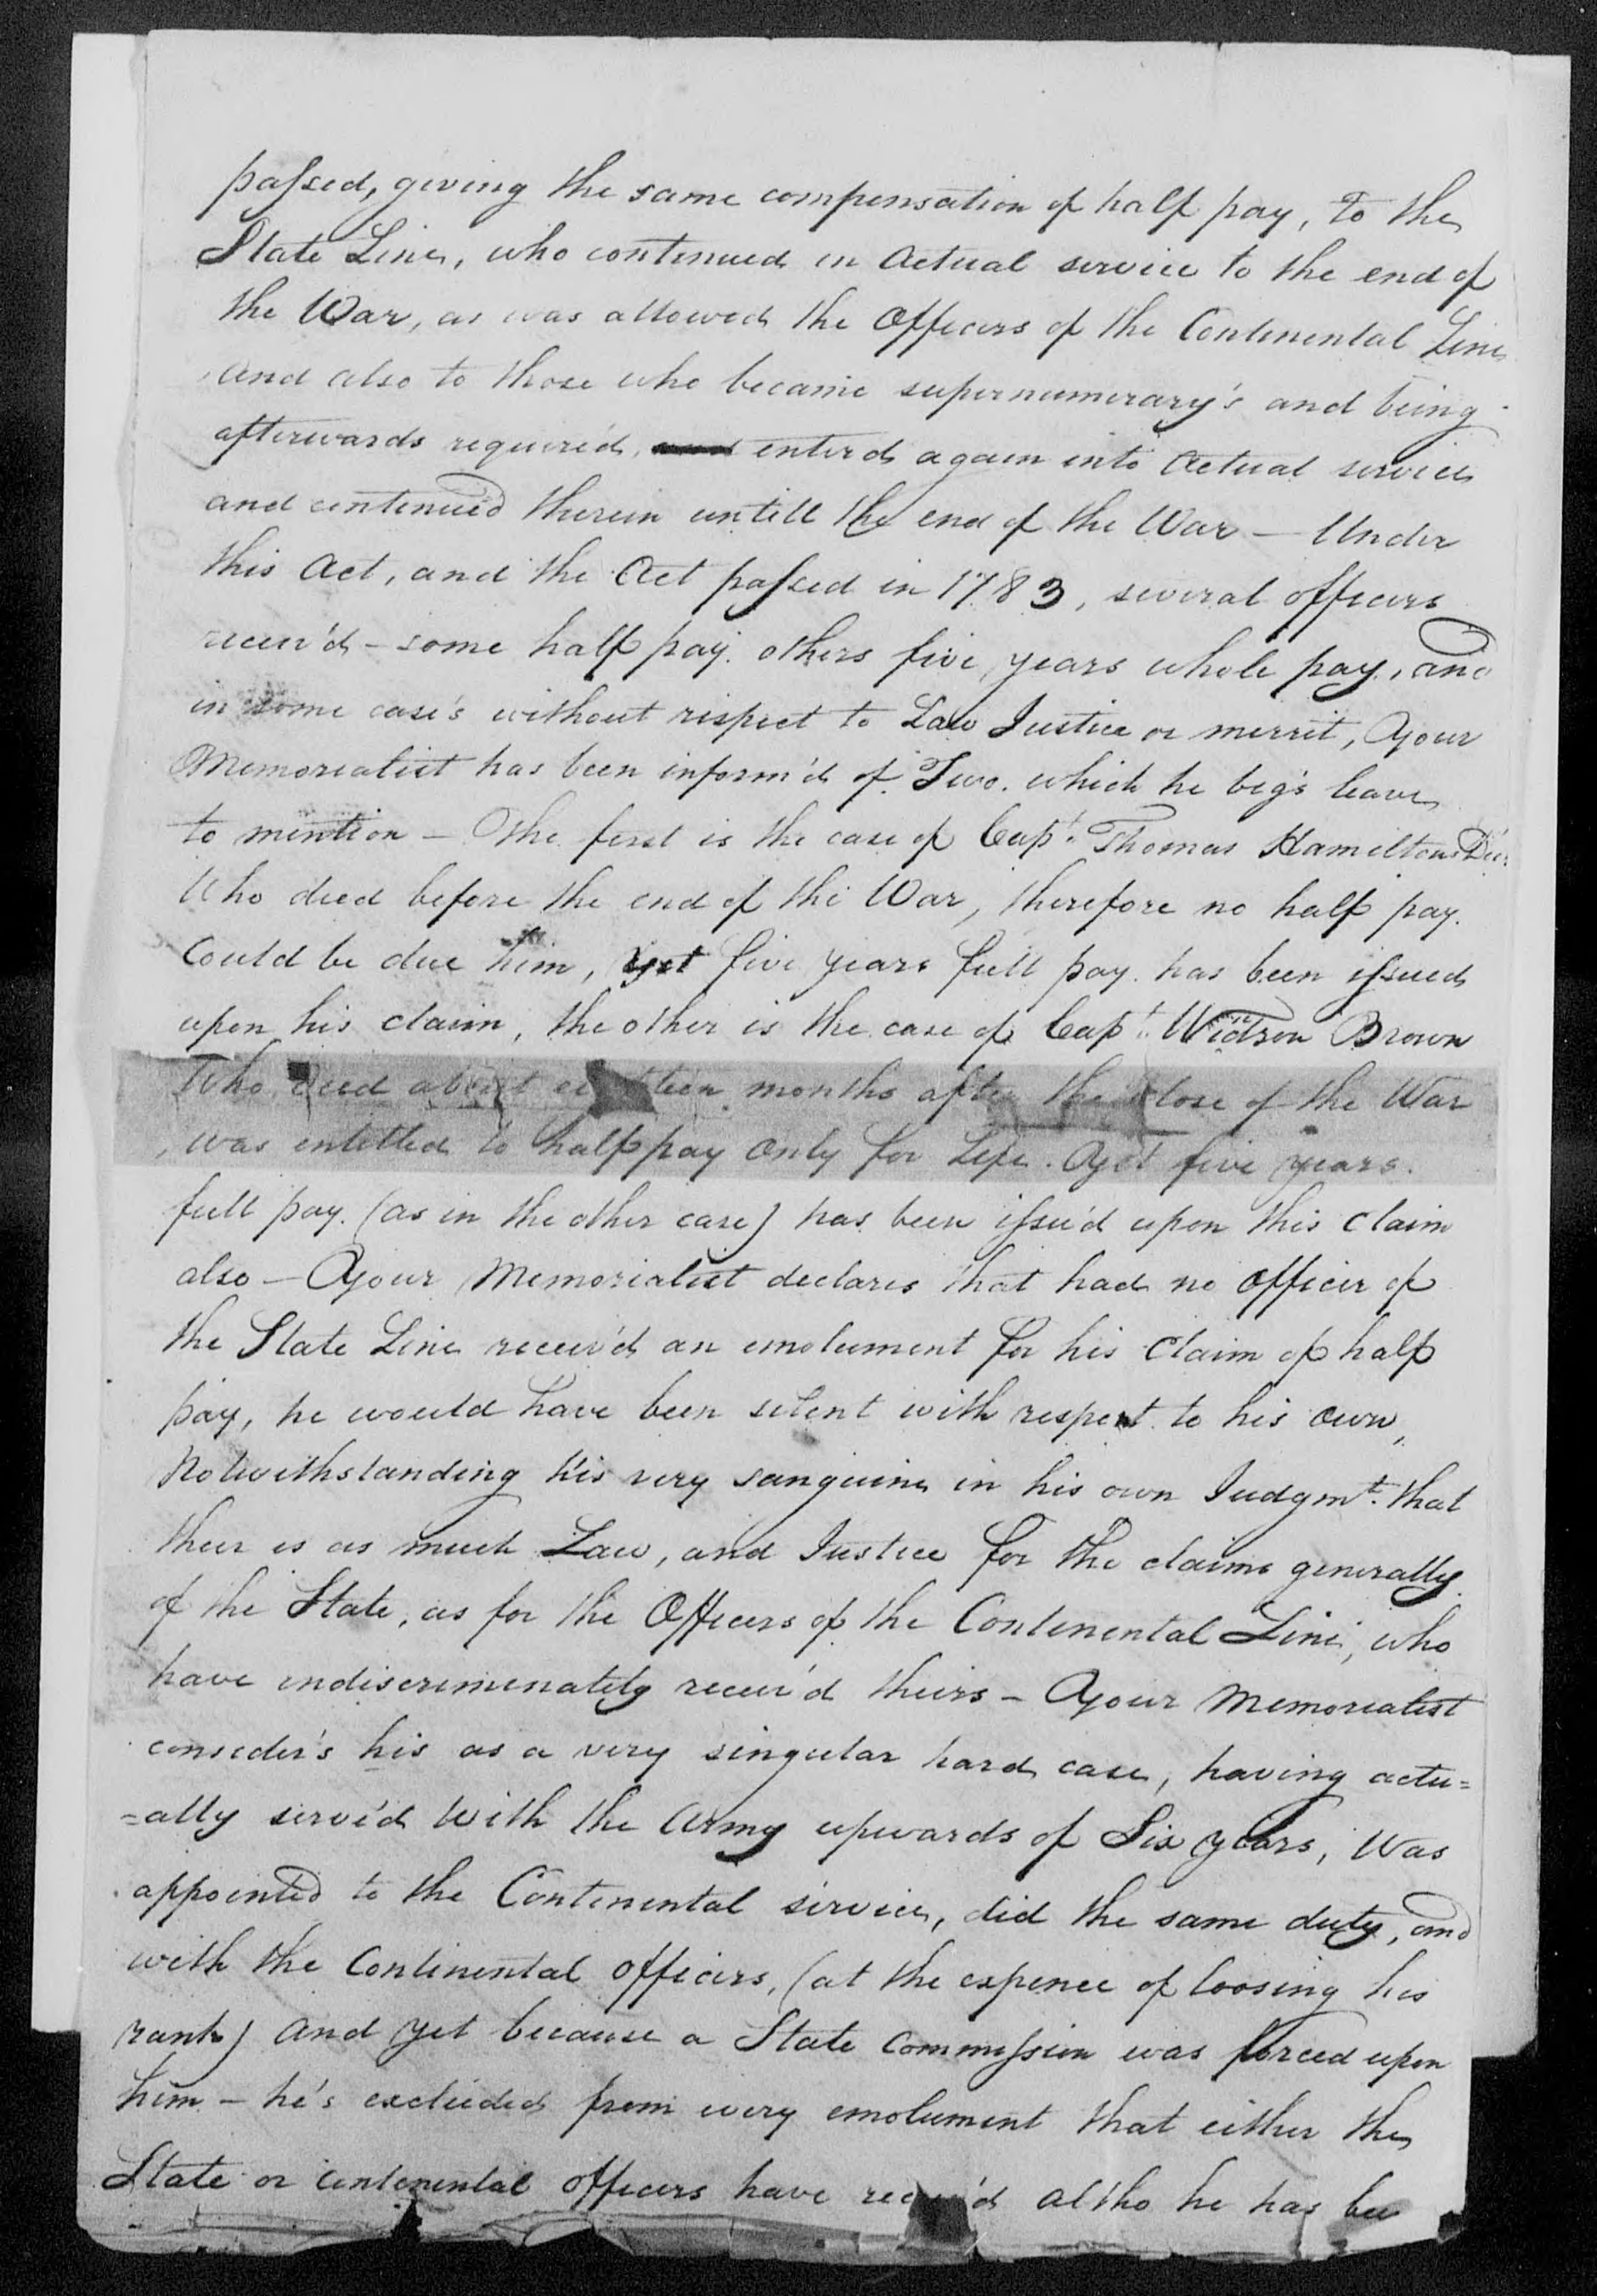passed, giving the same compensation of half pay, to the State Line, who continued in Actual service to the end of the War, as was allowed the Officers of the Continental Line and also to those who became supernumerary's and being afterwards required , [illegible cross out] entered again into Actual service and continued therein untill the end of the War --- Under this Act, and the Act passed in 1783, several officers receiv'd - some half pay, others five years whole pay, and in some case's without respect to Law Justice or merrit, Your Memorialist has been inform'd of Two, which he beg's have to mention  --  The first is the case of Capt. Thomas Hamilton Decd Who died before the end of the War, therefore no half pay, Could be due him, yet five years full pay has been issued upon his claim, the other is the case of Capt. Windson Brown who died about eighteen months after the close of the War was entitled to half pay only for Life. Yet five years. full pay (as in the other case) has been issu'd upon this claim also ___ Your Memorialist declares that had no officer of the State Line receiv'd an emolument for his Claim of half pay, he would have been silent with respect to his own, notwithstanding he's very sanguine in his own Judgmt. that their is as much Law, and Justice for the claims generally of the State, as for the Officers of the Continental Line, who have indiscriminately receiv'd theirs -- Your Memorialist consider's his as very singular hard case, having actually serv'd with the Army upwards of Six years, was appointed to the Continental service, did the same duty, and with the Continental officers, (at the expense of loosing his rank) and yet because a State Commission was forced upon him -- he's excluded from every emolument that either the State or Continental officers have receiv'd altho he has been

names: Thomas Hamilton, Windson Brown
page: 106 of 267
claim: widow's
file: W. 4,149, William Campbell, Va.